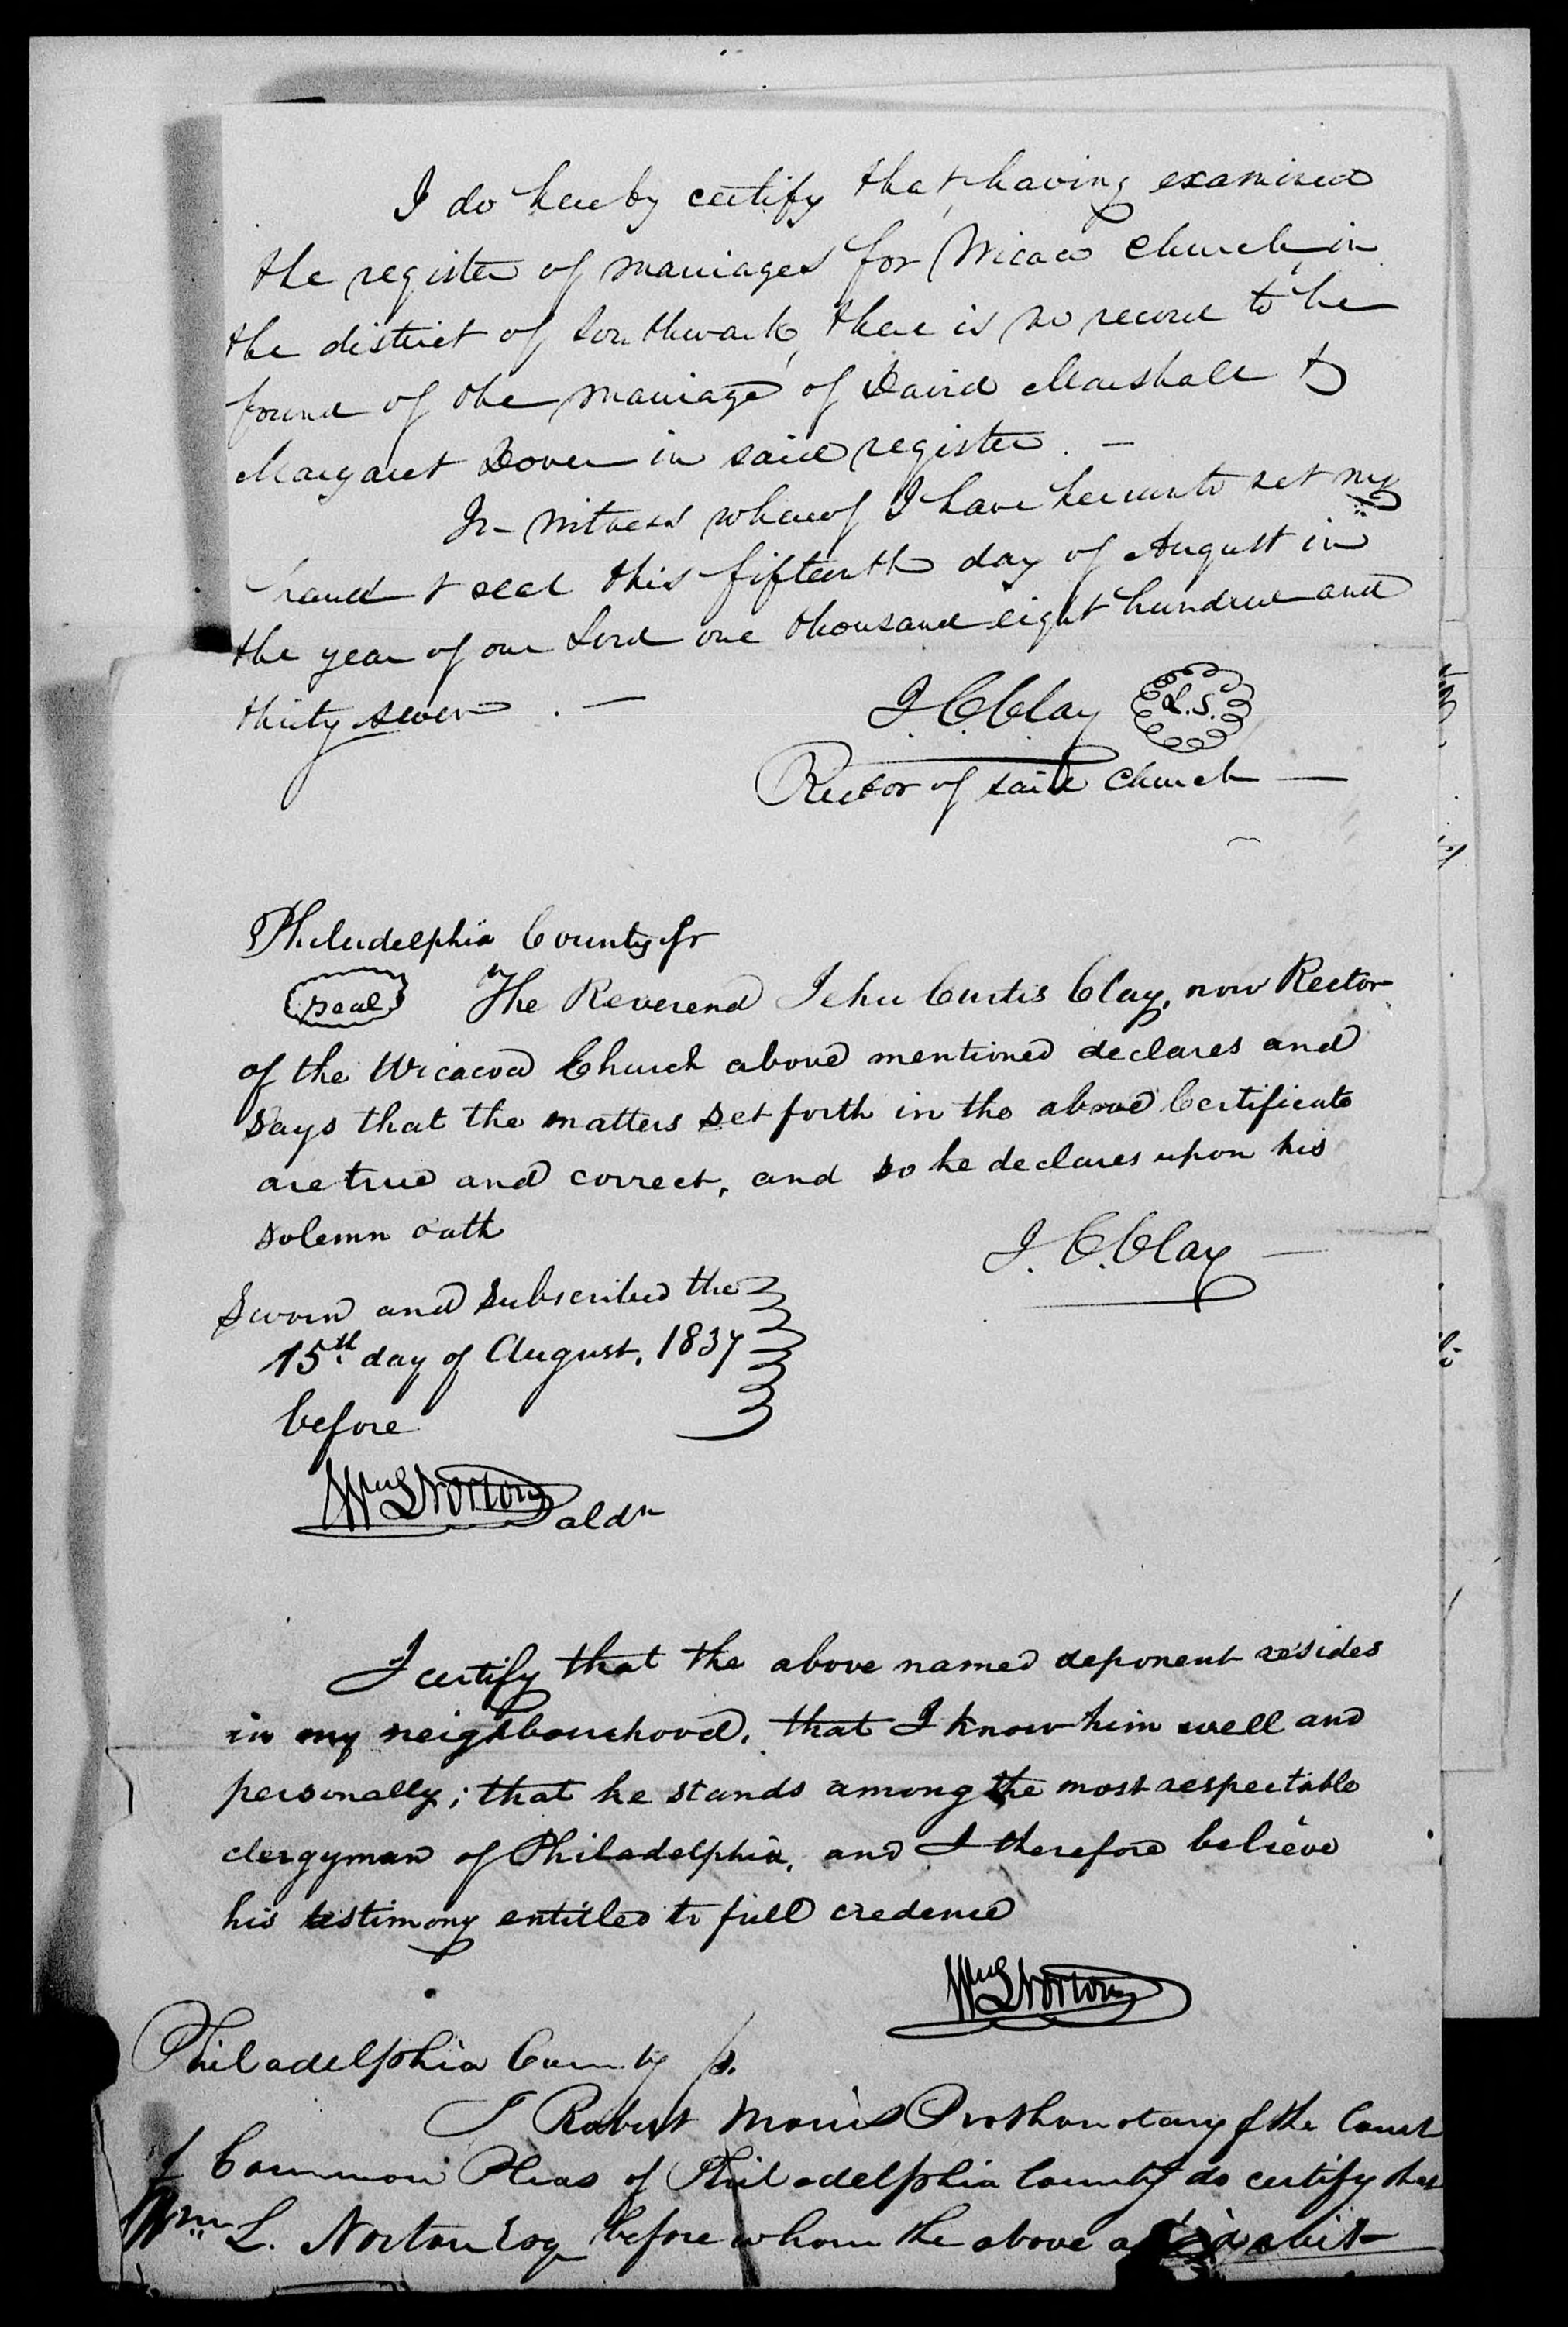I do hereby certify that having examined the register of marriages for Wicaco church in the district of Southwark there is no record to be found of the marriage of David Marshall to Margaret Dover in said register.

[illegible] whereof I have herewith set my hand & seal this fifteenth day of August in the year of our Lord one thousand eight hundred and thirty seven.

J. C. Clay
Rector of said church

Philadelphia County Sr
Seal
The Reverend John Curtis Clay, now Rector of the Wicaco Church above mentioned declared and says that the matters set forth in the above Certificate are true and correct, and so he declares upon his solemn oath. 

J.C. Clay
Sworn and Subscribed the 15th day of August, 1837
before
[illegible]

I certify that the above named deponent resides in my neighbourhood that I know him well and personally; that he stands among the most respectable clergyman of Philadelphia and I therefore believe his testimony entitled to full credence.

[illegible]

Philadelphia County 
I Robert Morris Prothanotary of the Court of Common Pleas of Philadelphia County do certify that Wm. L. Norton Esq before whom the above affidavit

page: 71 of 86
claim: widow's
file: W. 3571, for David Marshall, Pennsylvania